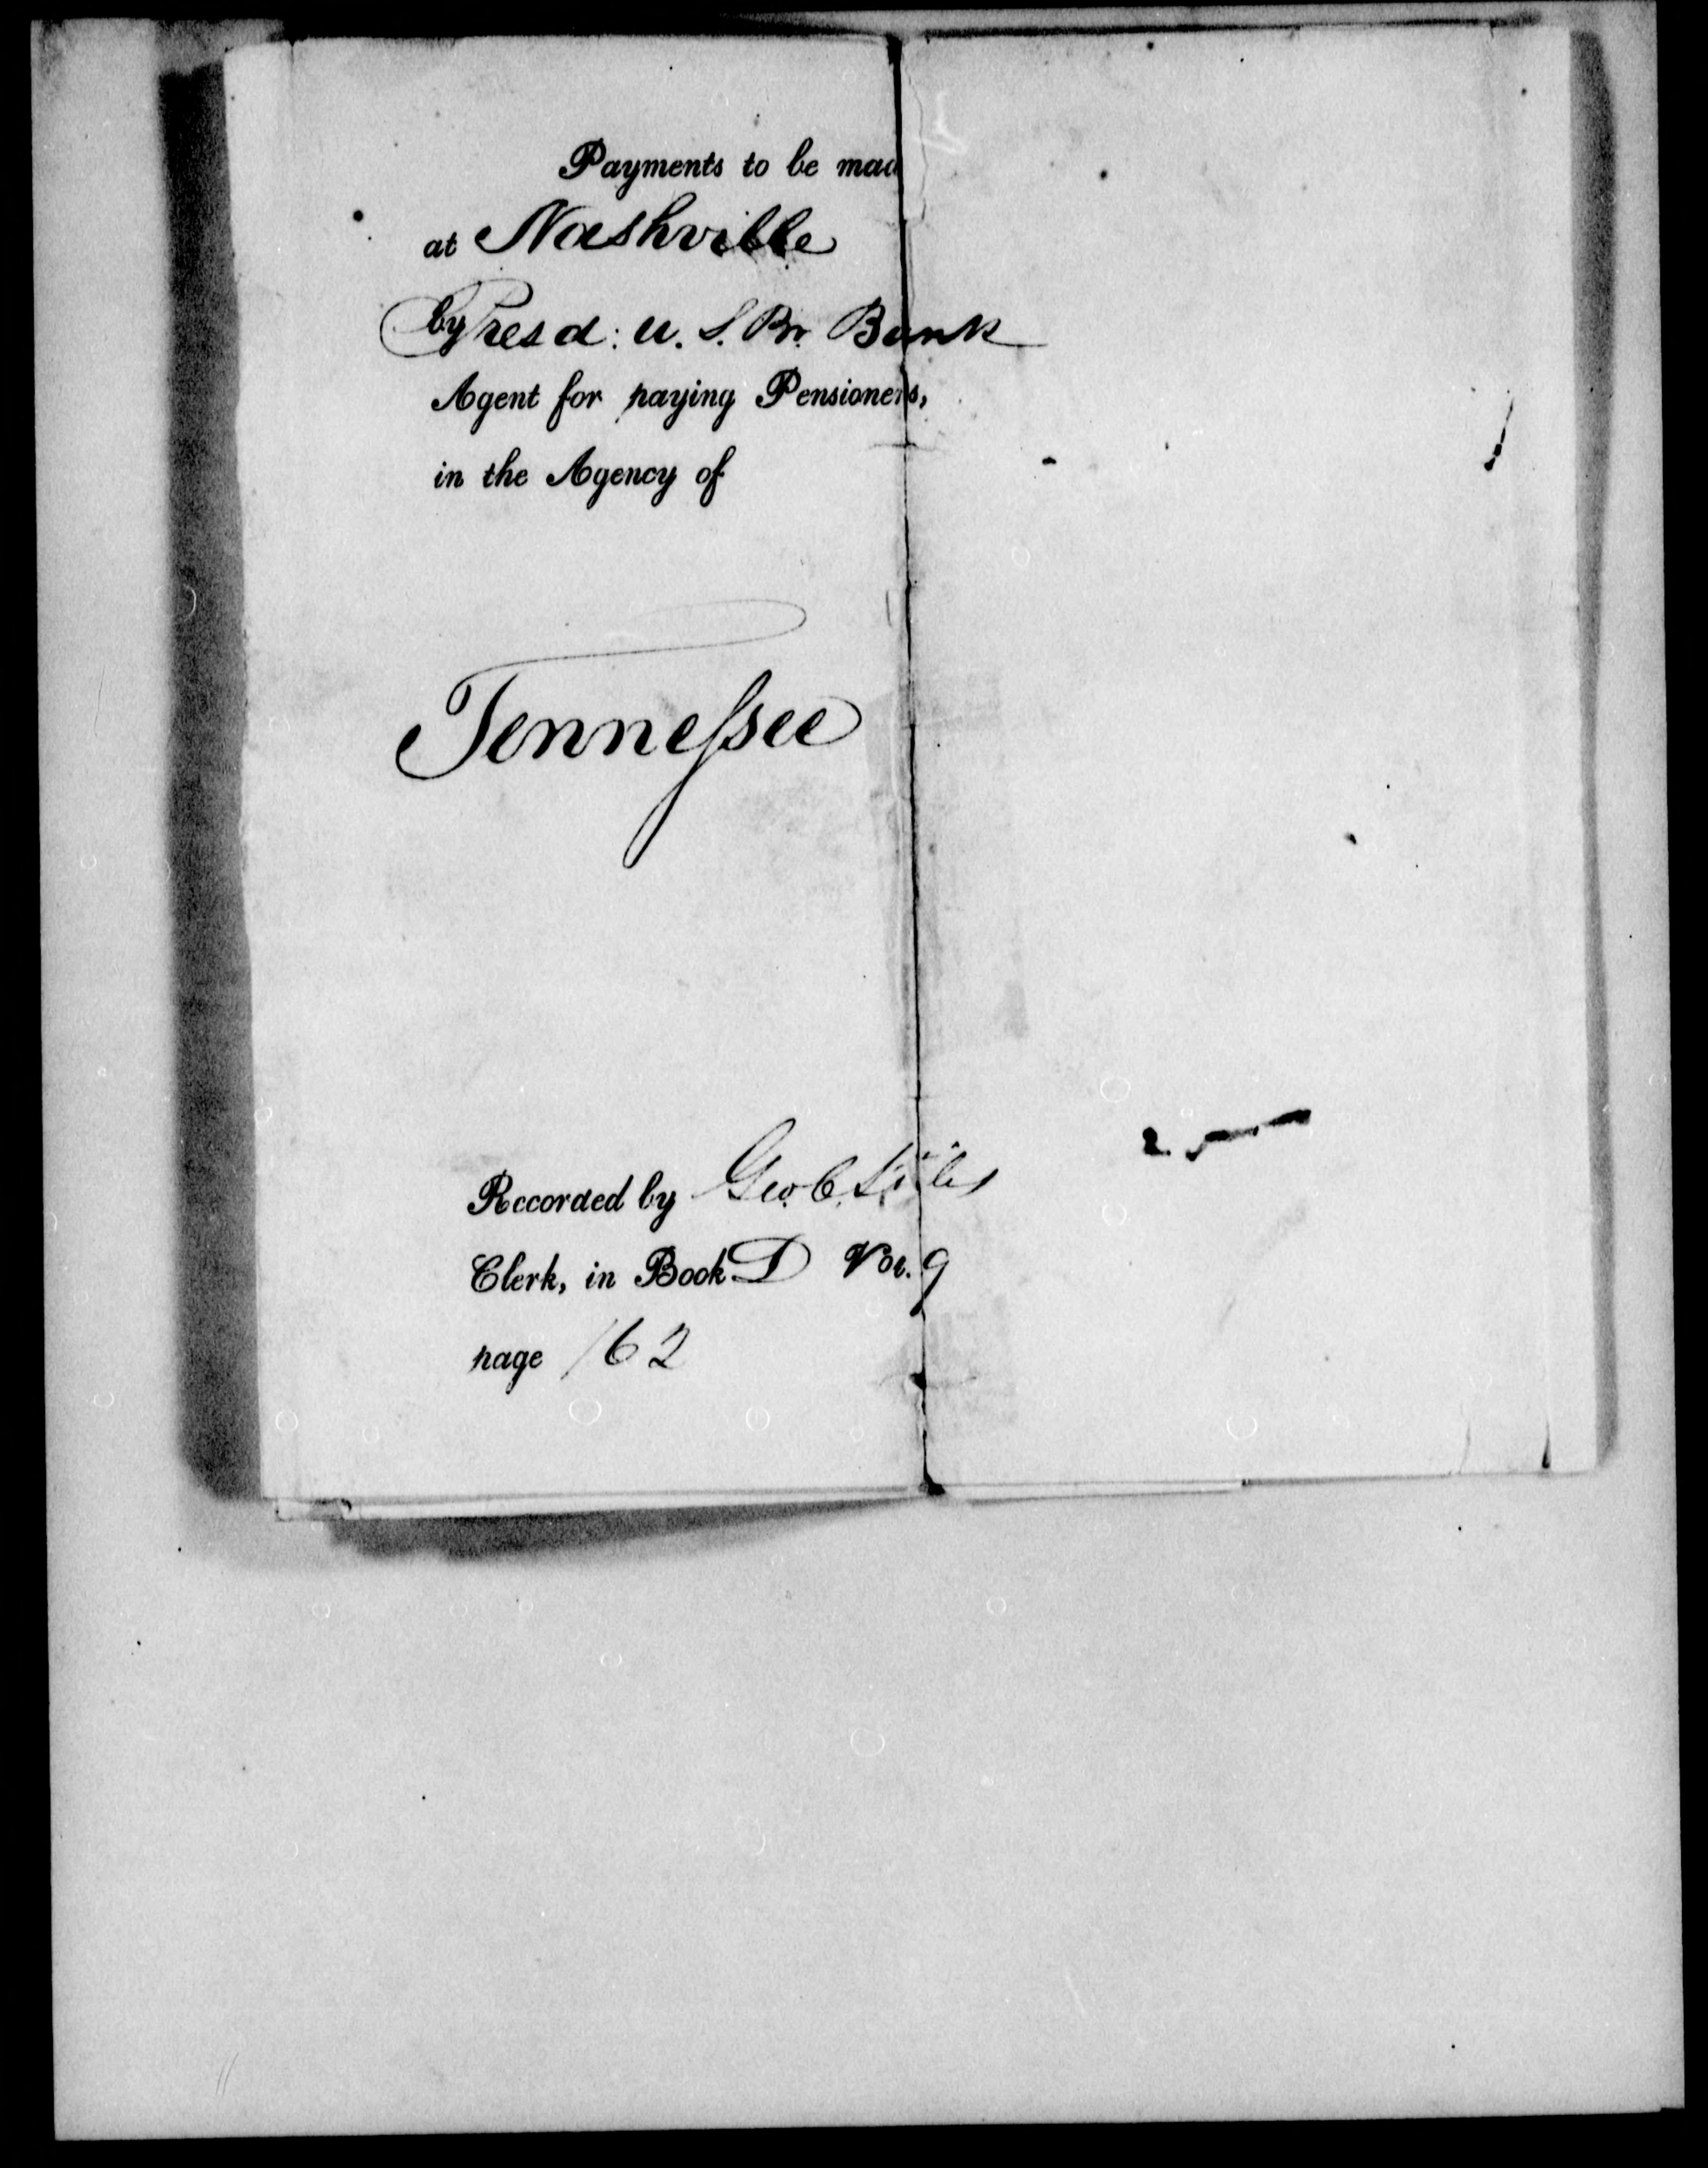Payments to be made at Nashville by Presd : u. S. Pn. Bank 
Agent for paying Pensioners, in the Agency of Tennessee
Recorded by Geo. C. Stiles
Clerk, in Book D Vol. 9 Page 162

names: Geo C Stiles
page: 38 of 105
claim: survivor's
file: S. 1883, Richard Vernon, N.C.